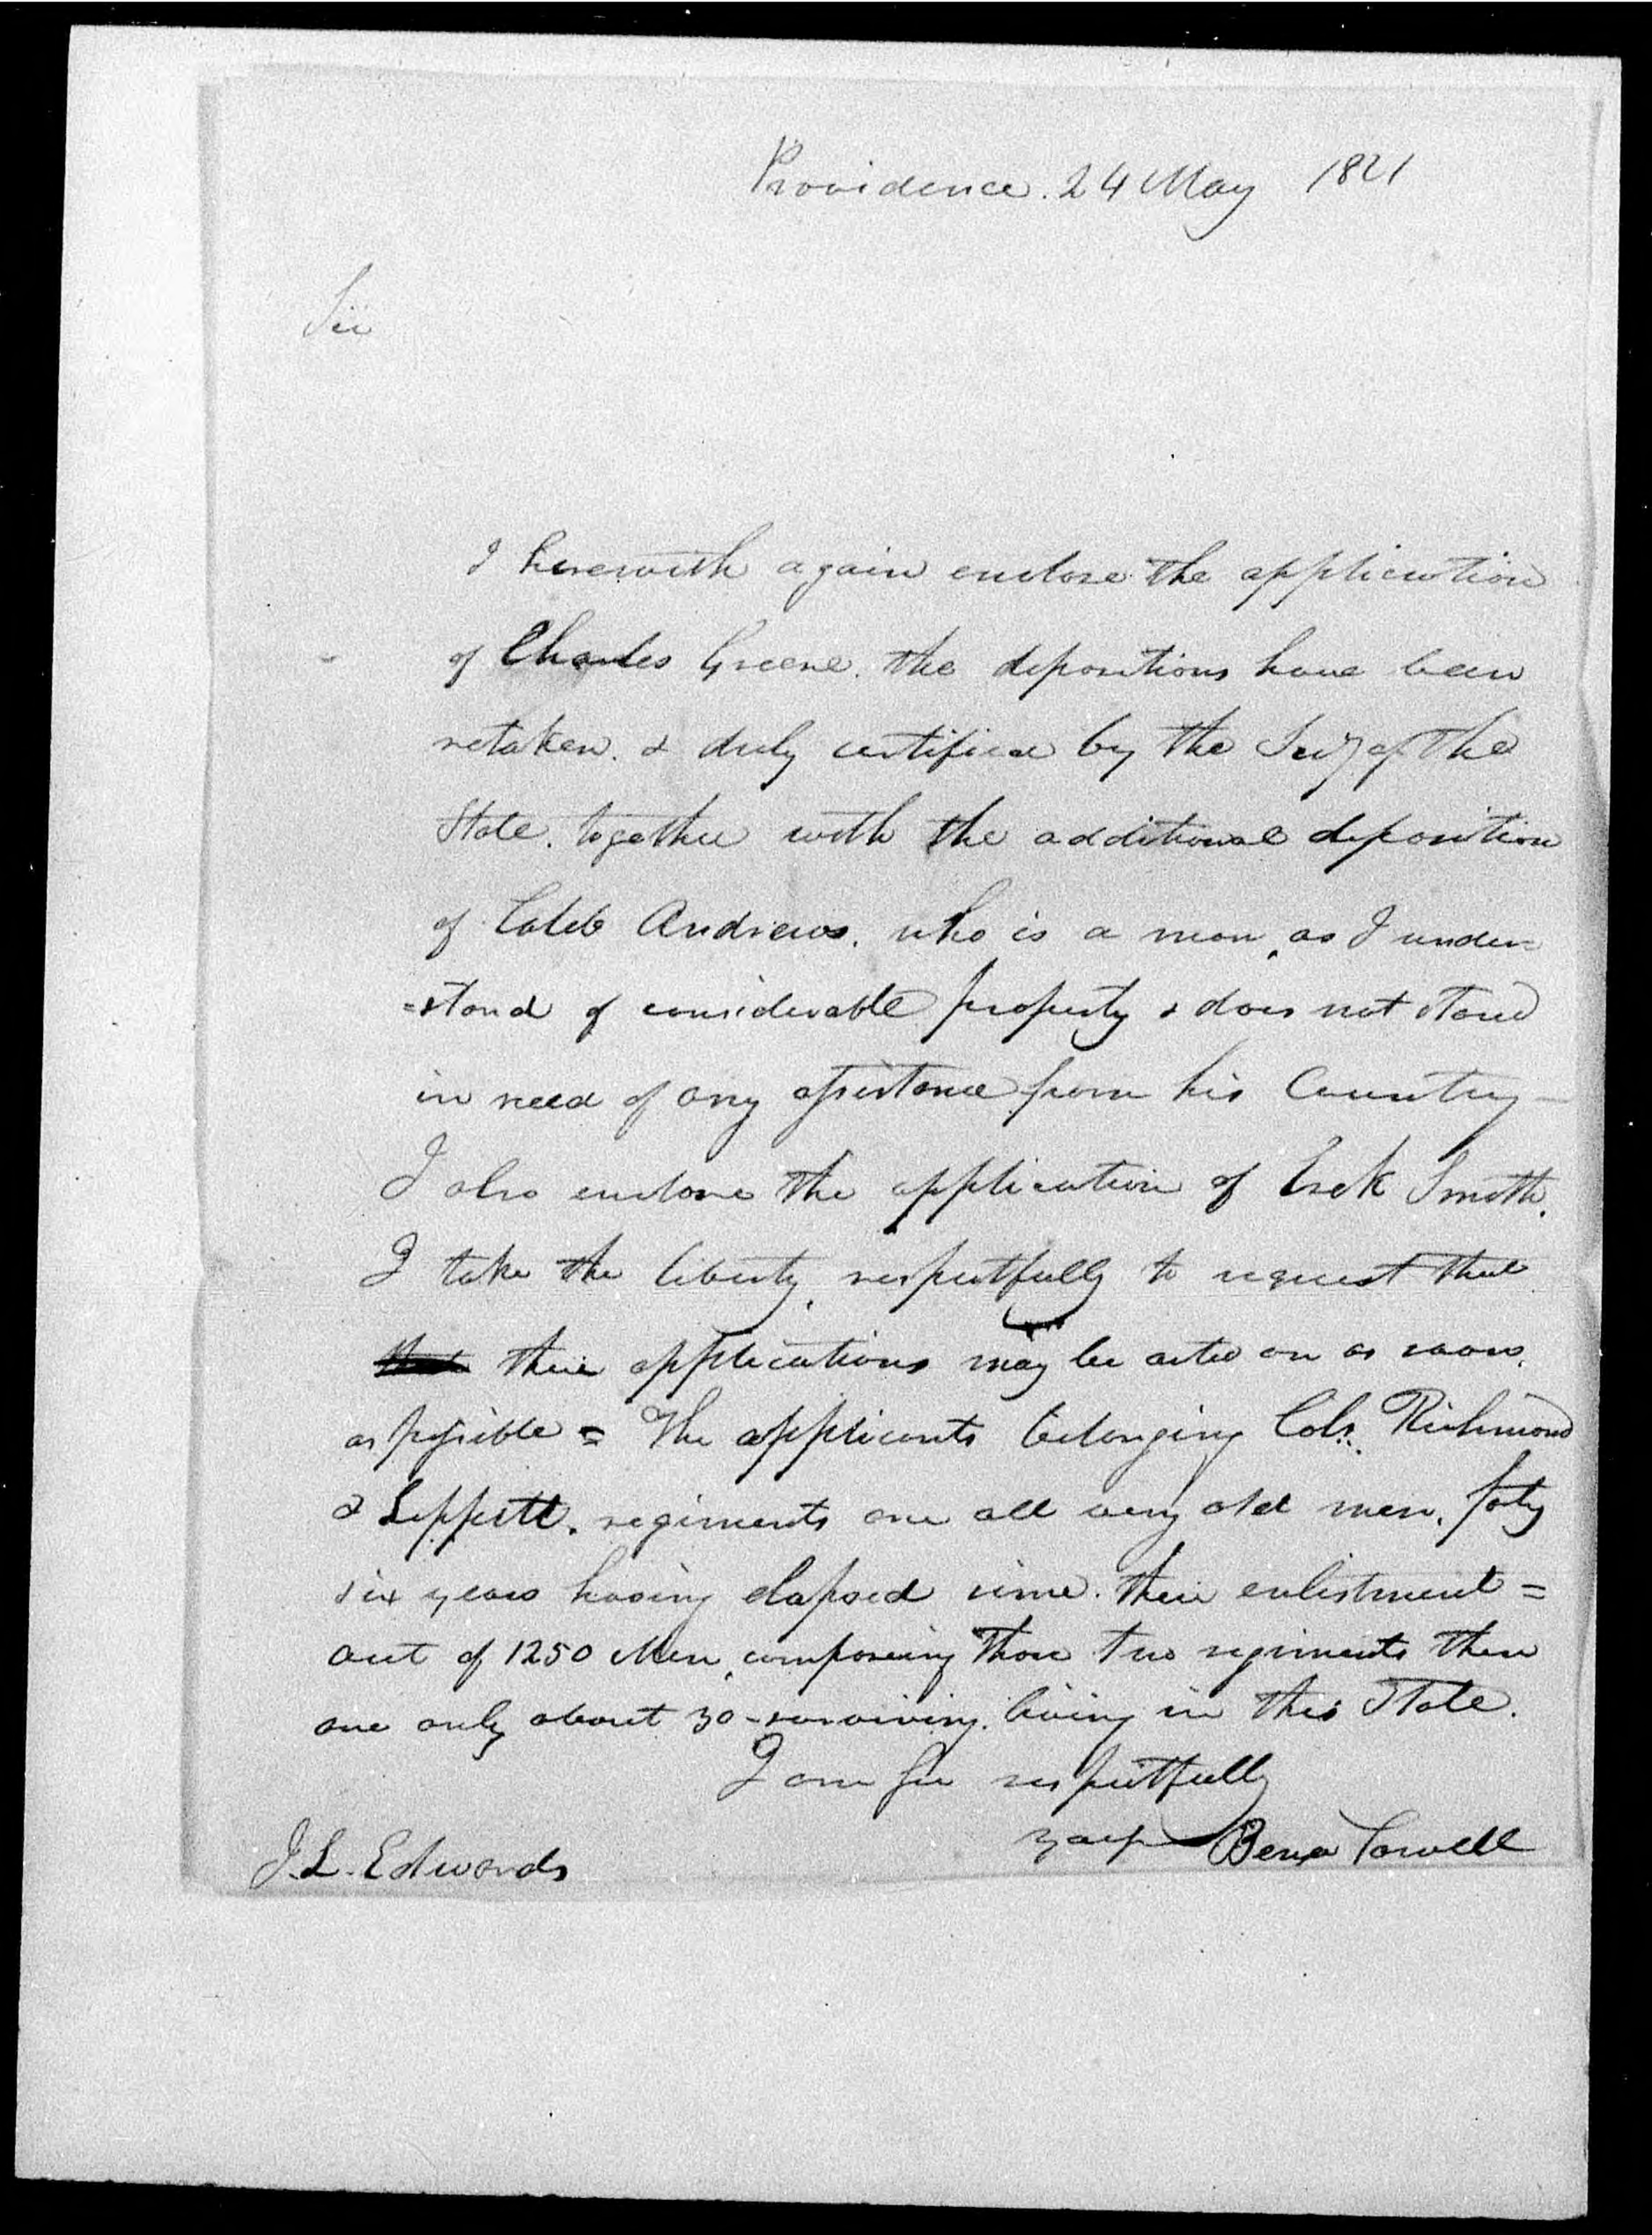Providence 24 may 1821

Sir

I herewith again enclose the application of Charles Greene the depositions have been retaken & duly certified by the law of the sate together with the additional deposition of Caleb Andrews who is a man as I understand of considerable property & does not [tored] in need of any assistance from his county - I also enclose the application of Ezek Smith. I take the liberty respectfully to request that these applications may be acted on as soon as possible. The applicants belonging Col. Richmond & Lippertt regiments are all very old men, forty six years having elapsed time. Their enlistment act of 1250 men, company those two regiments then are only about 30 remaining being in this state. 
I am your respectfully 
[witness] Benj Powell
J.L. Edwards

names: Charles Greene, Esek Smith, Benja Cowell, J L Edwards, Caleb Andrews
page: 15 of 20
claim: survivor's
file: S. 38755, Charles Greene, R.I.